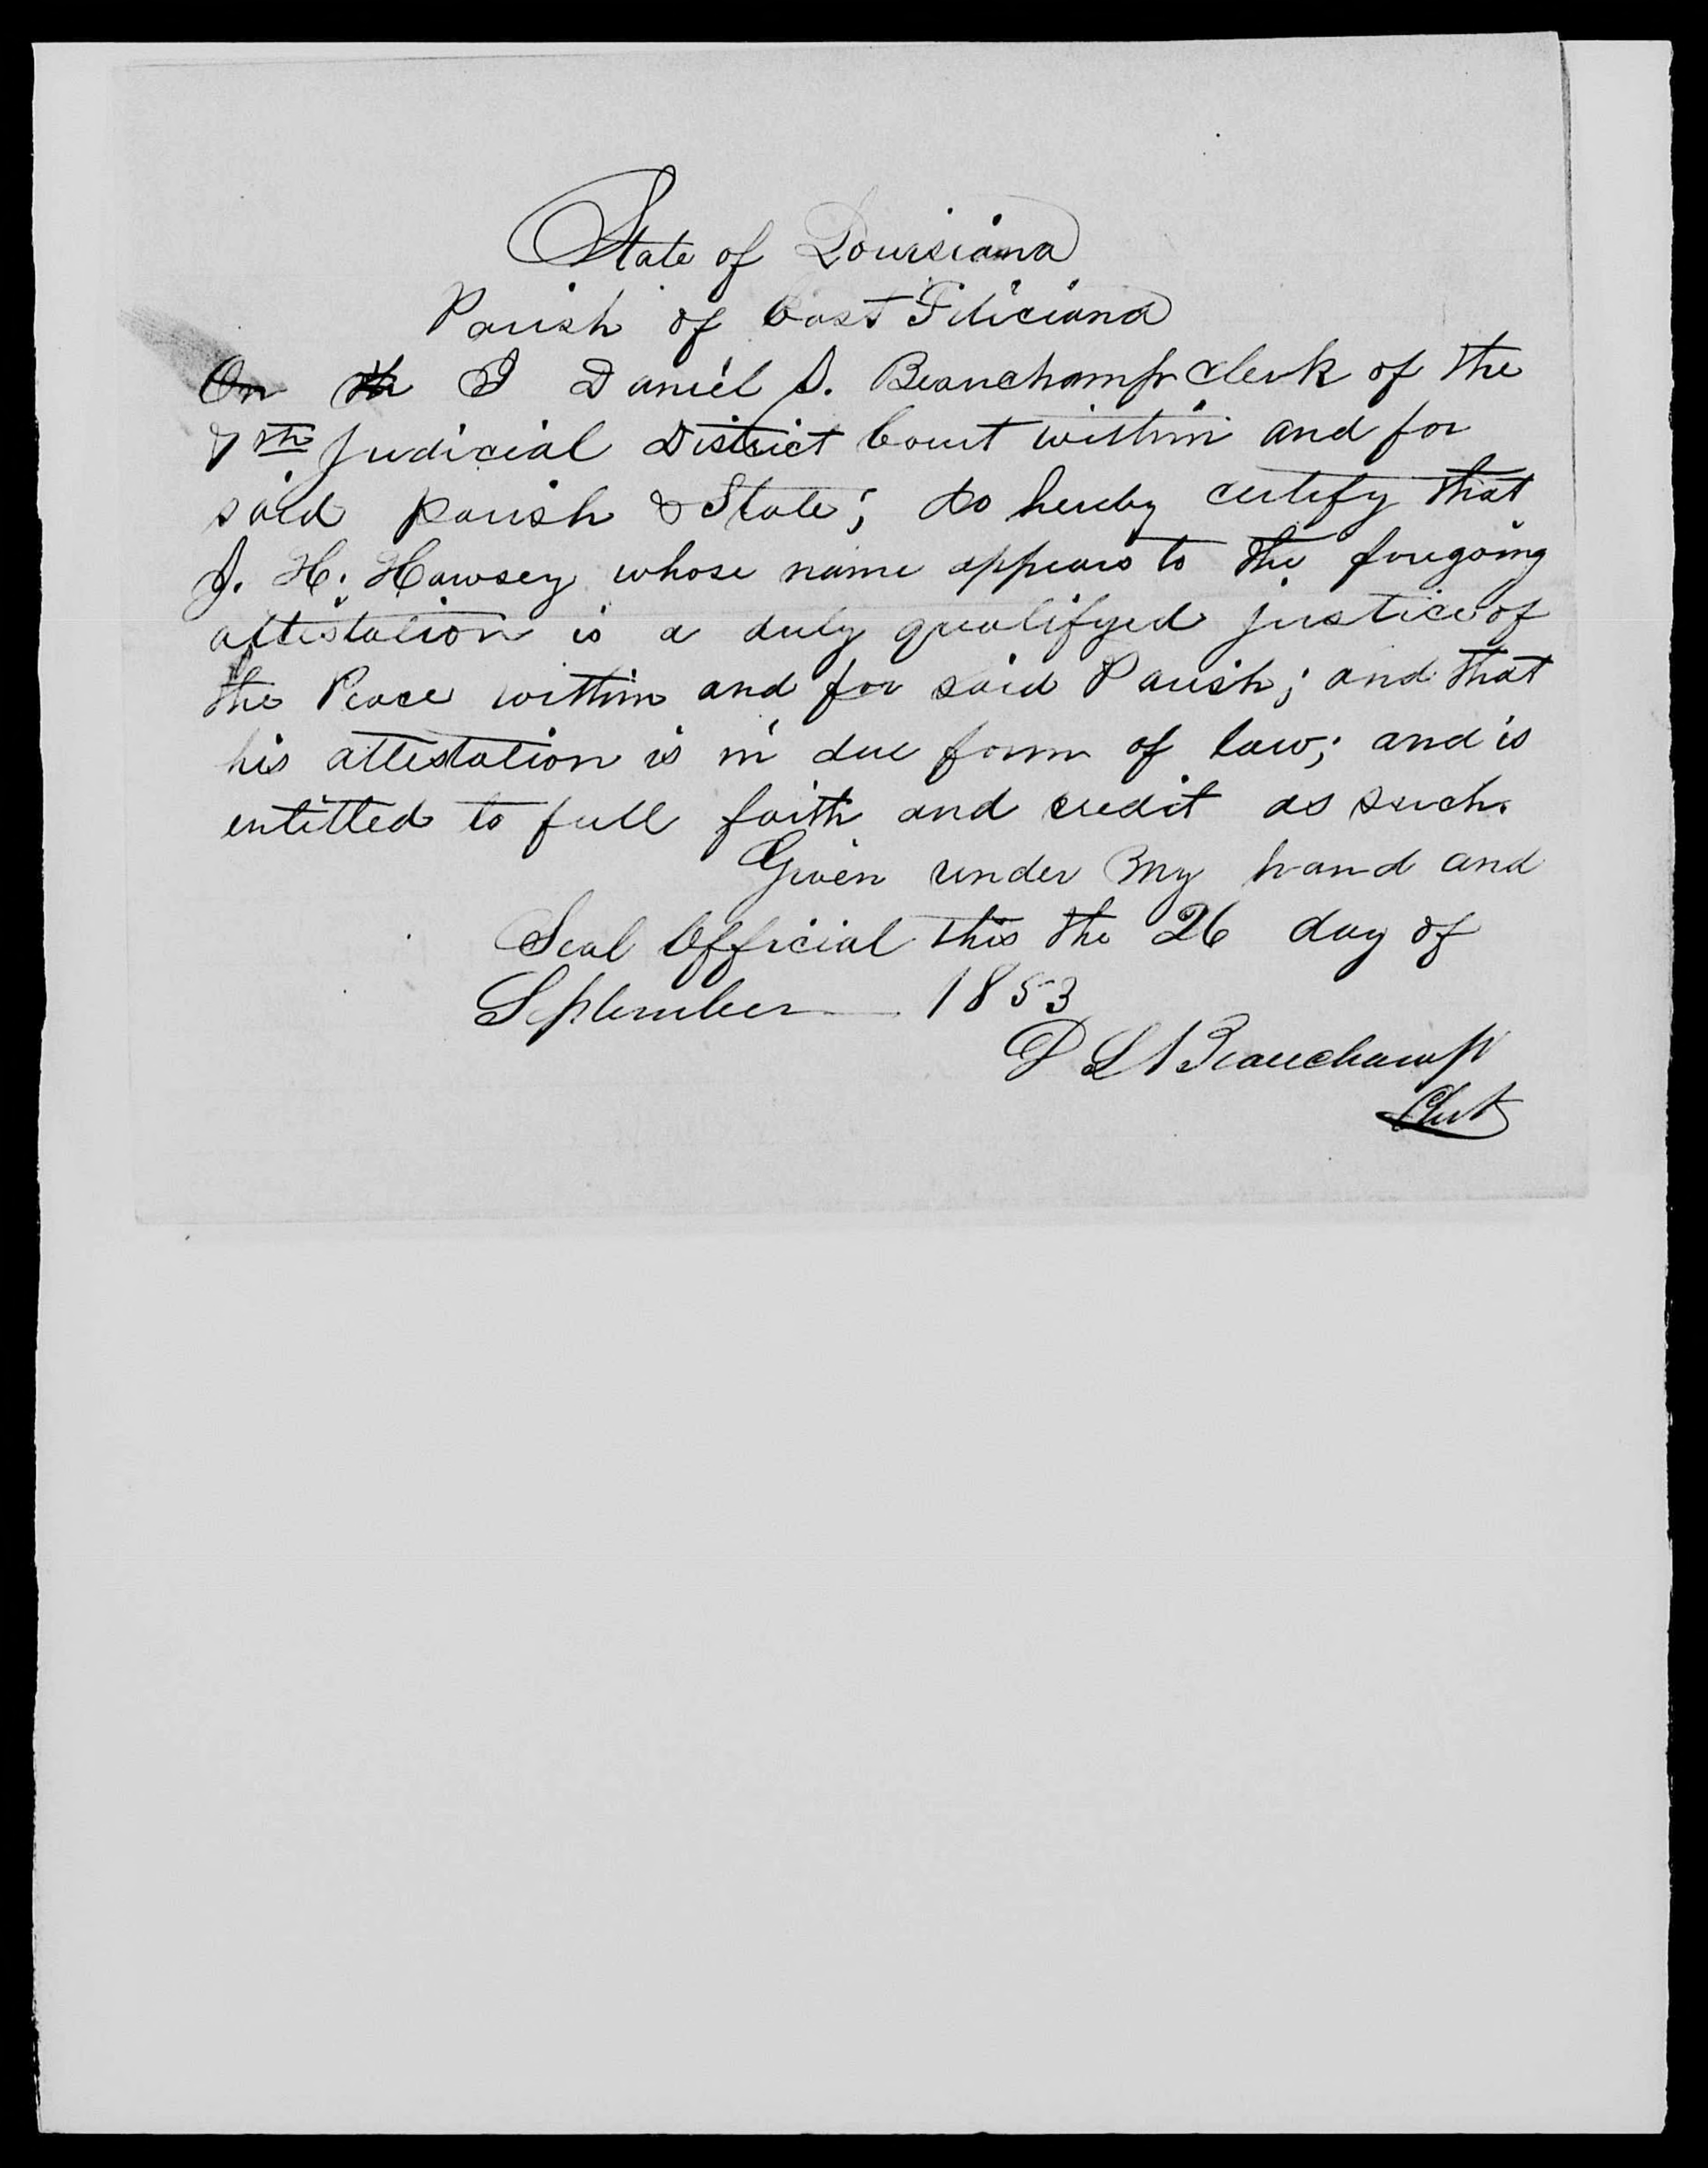State of Louisiana
Parish of East Feliciana
I Daniel S. Beauchamp Clerk of the
7th Judicial District Court within and for
said parish & State; do hereby certify that
J. H. Halsey whose name appears to the foregoing
attestation is a duly qualified Justice of
the Peace within and for said Parish, and that
his attestation is in due form of law; and is
entitled to full faith and credit as such.

Given under my hand and
Seal Official this the 26 day of
September 1853
D. D. Beauchamp
Clerk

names: J H Hawsey, D S Beauchamp, Daniel S Beauchamp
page: 16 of 48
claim: rejected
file: R. 2173, James P Collins, S. C.